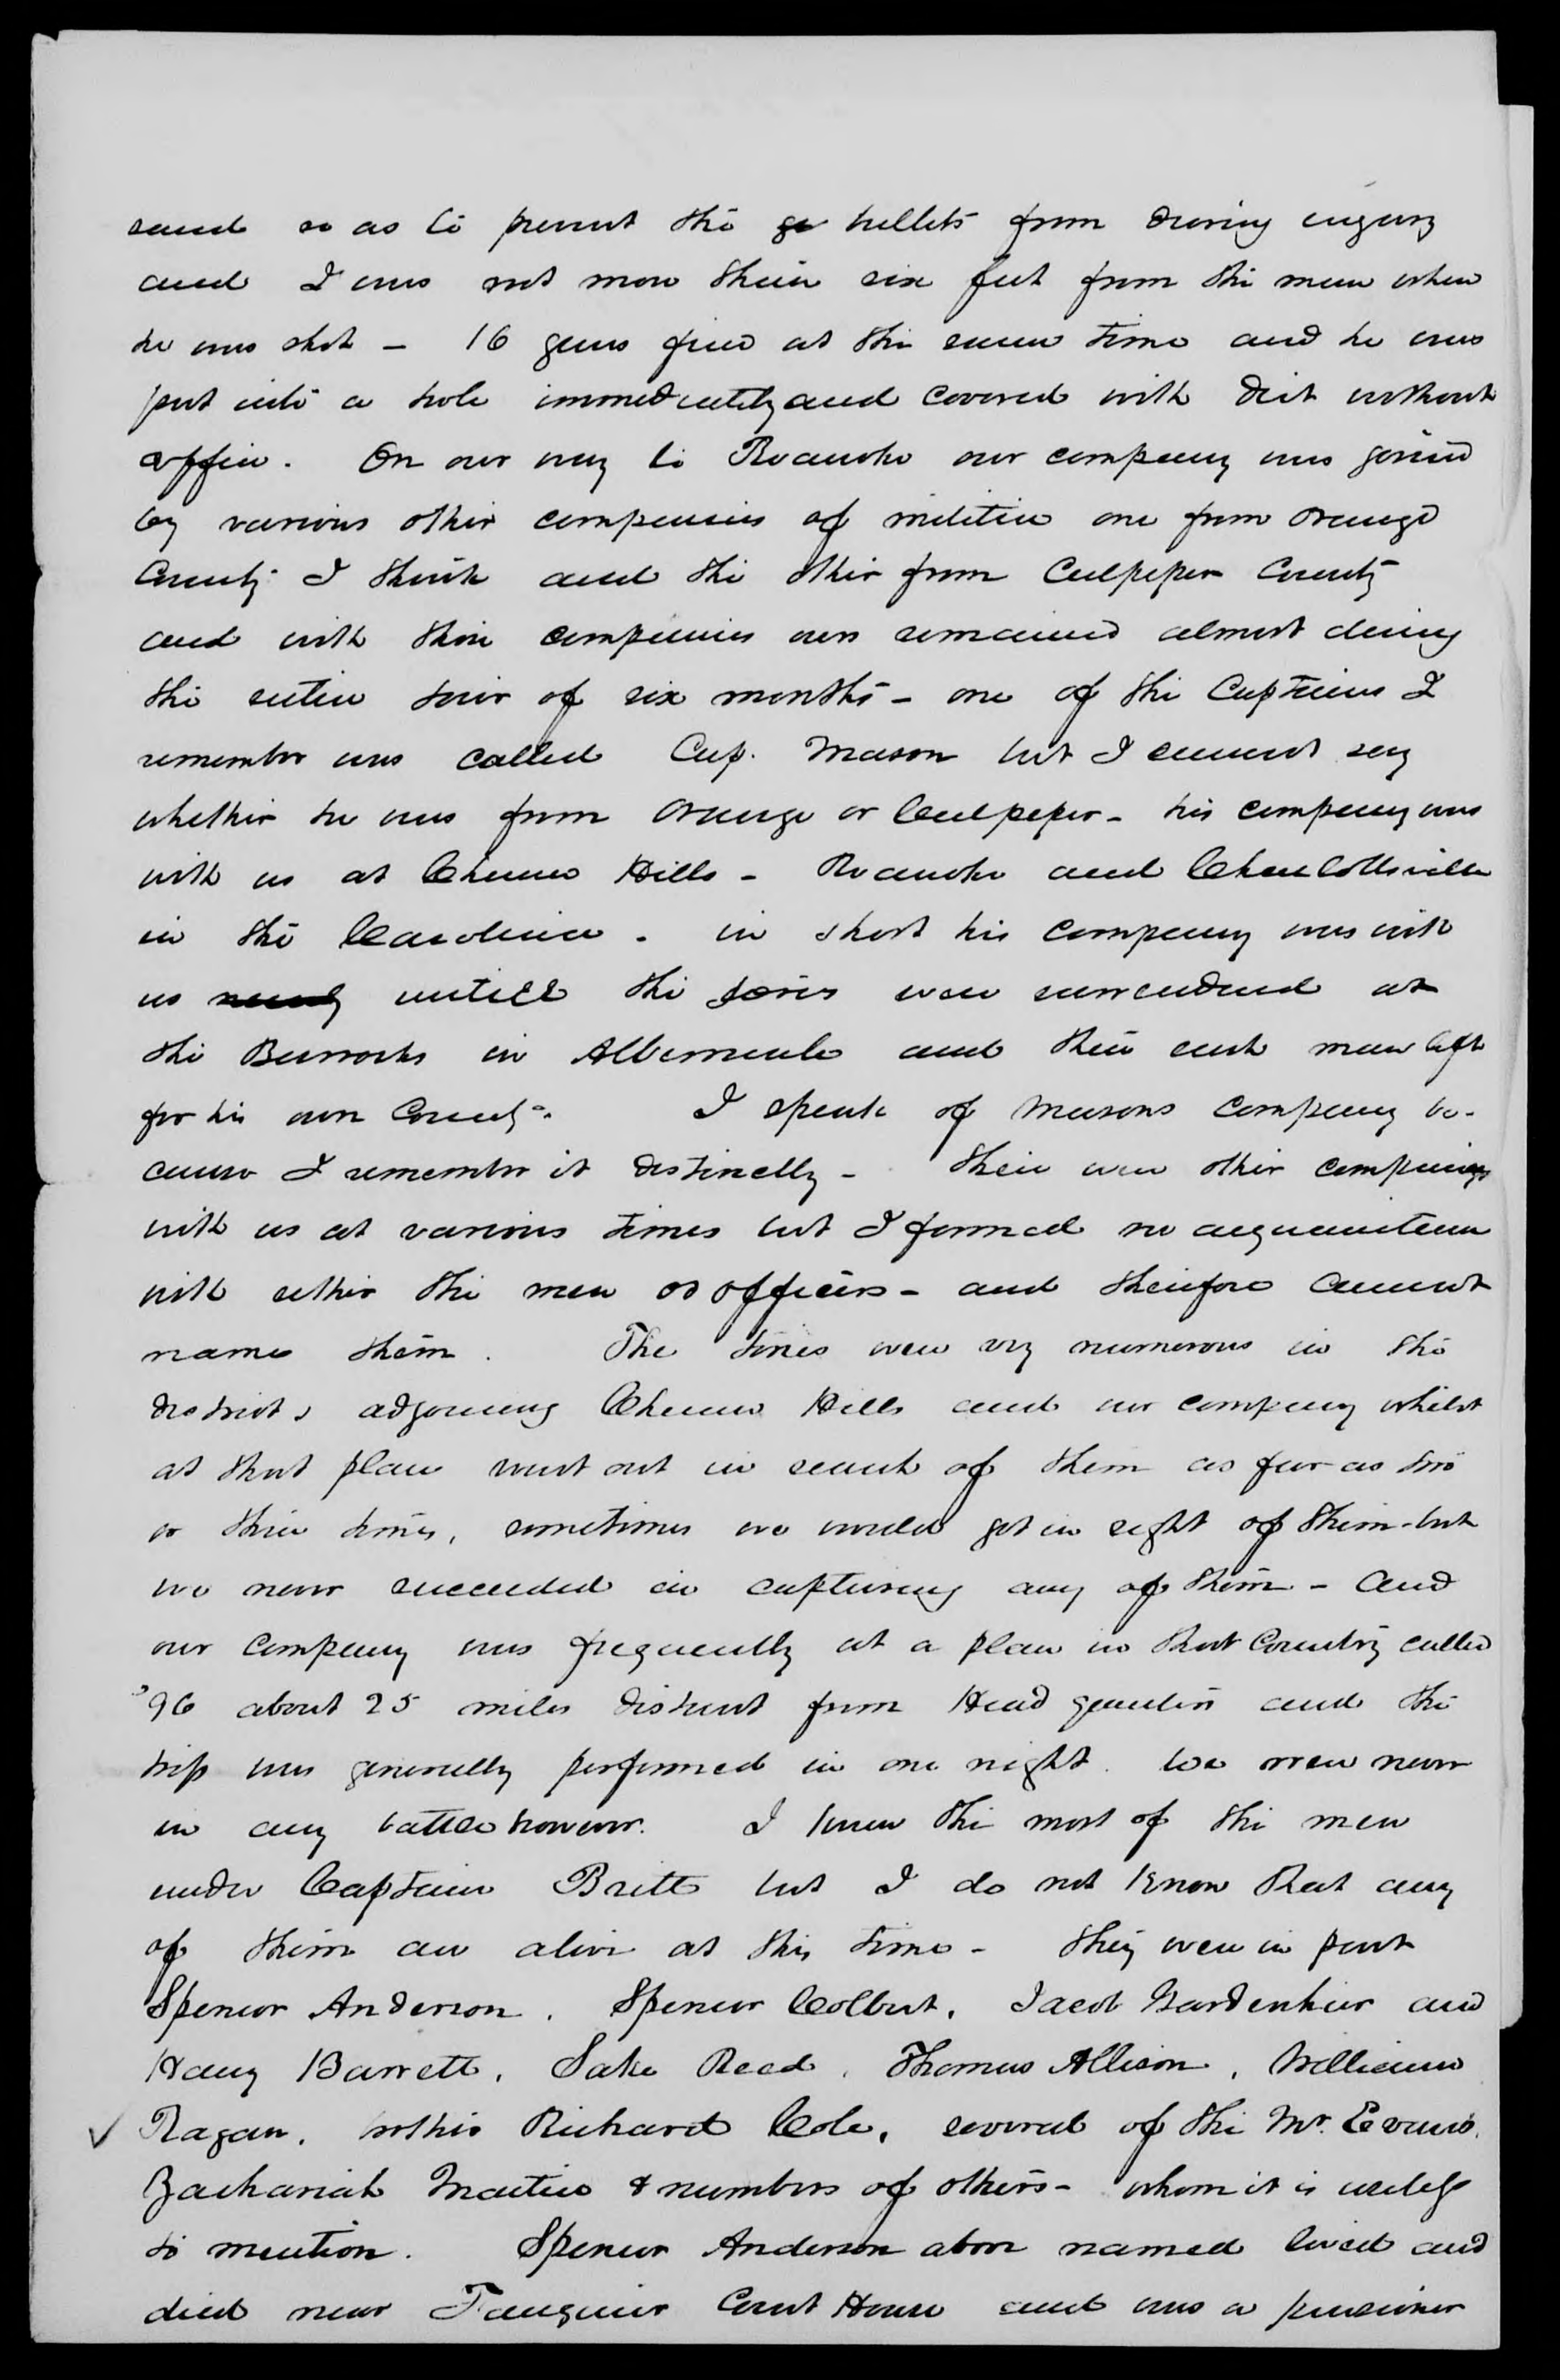said so as to prevent the for bullets from doing injury and I was more than six feet from this man when he was shot - 16 guns fired at the same time and he is put into a hole immediately and covered with dirt without [illegible]. On our way to Roanoke our company and was joined by various other companies of militia one from orange County I think and the other from Culpeper County and with these companies our xxx almost during
the entire tour of six months - one of the Captains I remember was called Cap. Mason but I cannot say whether he was from Orange or Culpeper - his company was with us as Cheraw Hills. Roanoke and Charlottesville in the Carolinas. in short his company was with us untill the Tories were surrendered at
the Barracks in Albemarle and then each man left for his own County I speak of Masons Company because I remember it distinctly. Their were other companies with us as various times but I formed no acquaintances will either the men or officers and therefore cannot name them.
The Tories were very numerous in the districts adjoining Cheraw Hills and our company whilst at that place went out in search of them as far as two or three times, sometimes we would get in eight of him but we never succeeded in capturing any of them. And our company was frequently at a place in that County called 96 about 25 miles distant from Headquarters and the trip was generally performed in one night we were never in any battle however I know the most of the men under Captain Britt and I do not know that any of them are alive at this time. they were in part Spencer Anderson, Spencer Colbert, Jacob Gardenhier and Harry Barrett, Lake Reed, Thomas Allison, William Ragan this Richard Cole, several of the Mr Evans Zachariah Martin & numbers of others whom it is useless to mention.
Spencer Anderson above named lived and
died near Fauquier Court House and and a pensioner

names: Mason, Sake Reed, Henry Barrett, Richard Cole, William Ragan, Jacob Gardenheir, Spencer Anderson, Britt, Spencer Anderson, Spencer Colbert, Thomas Allison, Evans Zachariah Martin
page: 16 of 61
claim: survivor's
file: S. 8236, Daniel Cole, Va.